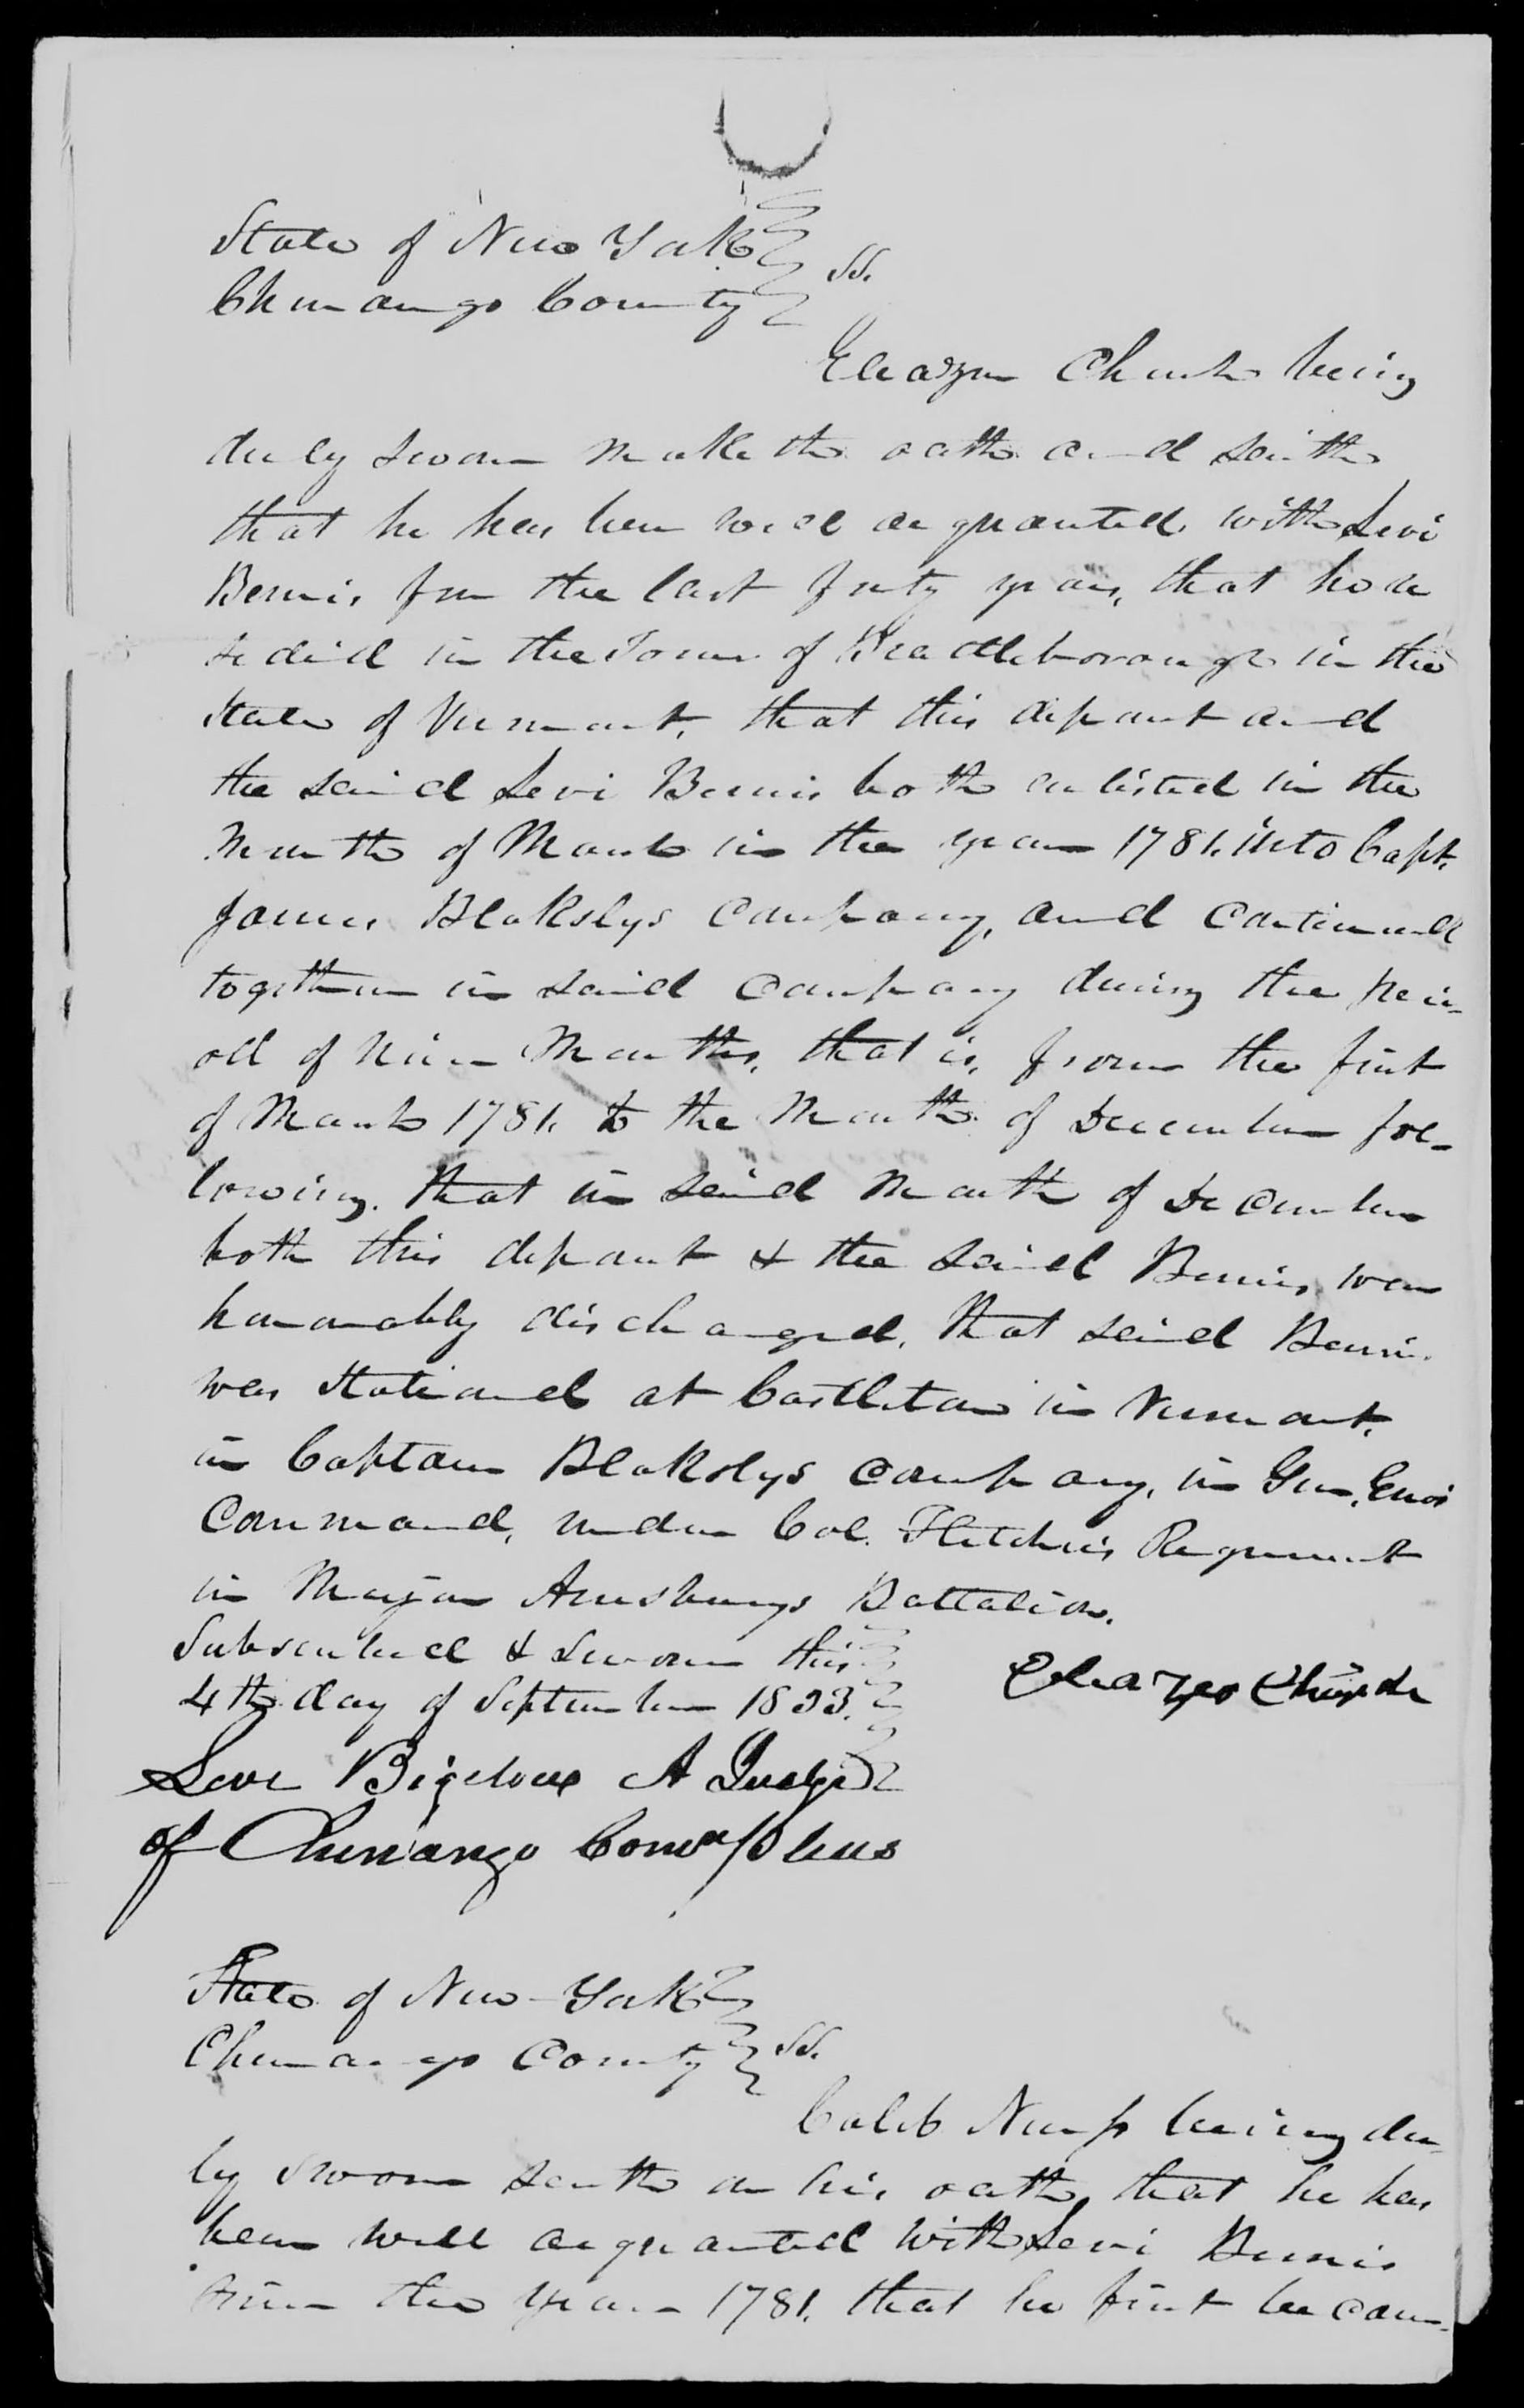State of New York
Chenango County 
Eleazer Church being duly sworn make the oaths and saith that he has been [illegible] acquainted with Levi Bemis for the last forty years, that [illegible] in the town of Brattleborough in the state of Vermont that this defendant and the said Levi Bemis both enlisted in the month of March in the year 1781 into Capt. James Blakelys Company, and continued together in said company during the period of nine months, that is, from the first of March 1781 to the month of December following. That is said month of December both this defendant and the said Bemis were honorably discharged. That said December stationed at Castleton in Vermont, in Captain Blakelys Company, in Gen. [illegible] command, under Col. Fletcher's Regiment in Major Ausburgs Battalion. 
Subscribed & sworn this 4th day of September 1803 Eleazer Church
Levi Bigelow  A Gusge of Chenango County [illegible] 
Hato of New York Chenango County 
Caleb Nurss being duly sworn saith on his oath that he has been well acquainted with Levi Bemis given the year 1781 that he first became.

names: Levi Bemis, Bemis, Eleazer Church, Levi Bigelow, Caleb Nurss, Eleazer Church, Levi Bemis, Bemis, Levi Bemis, Enos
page: 9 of 14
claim: survivor's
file: S. 32116, Levi Bemis, Vt.